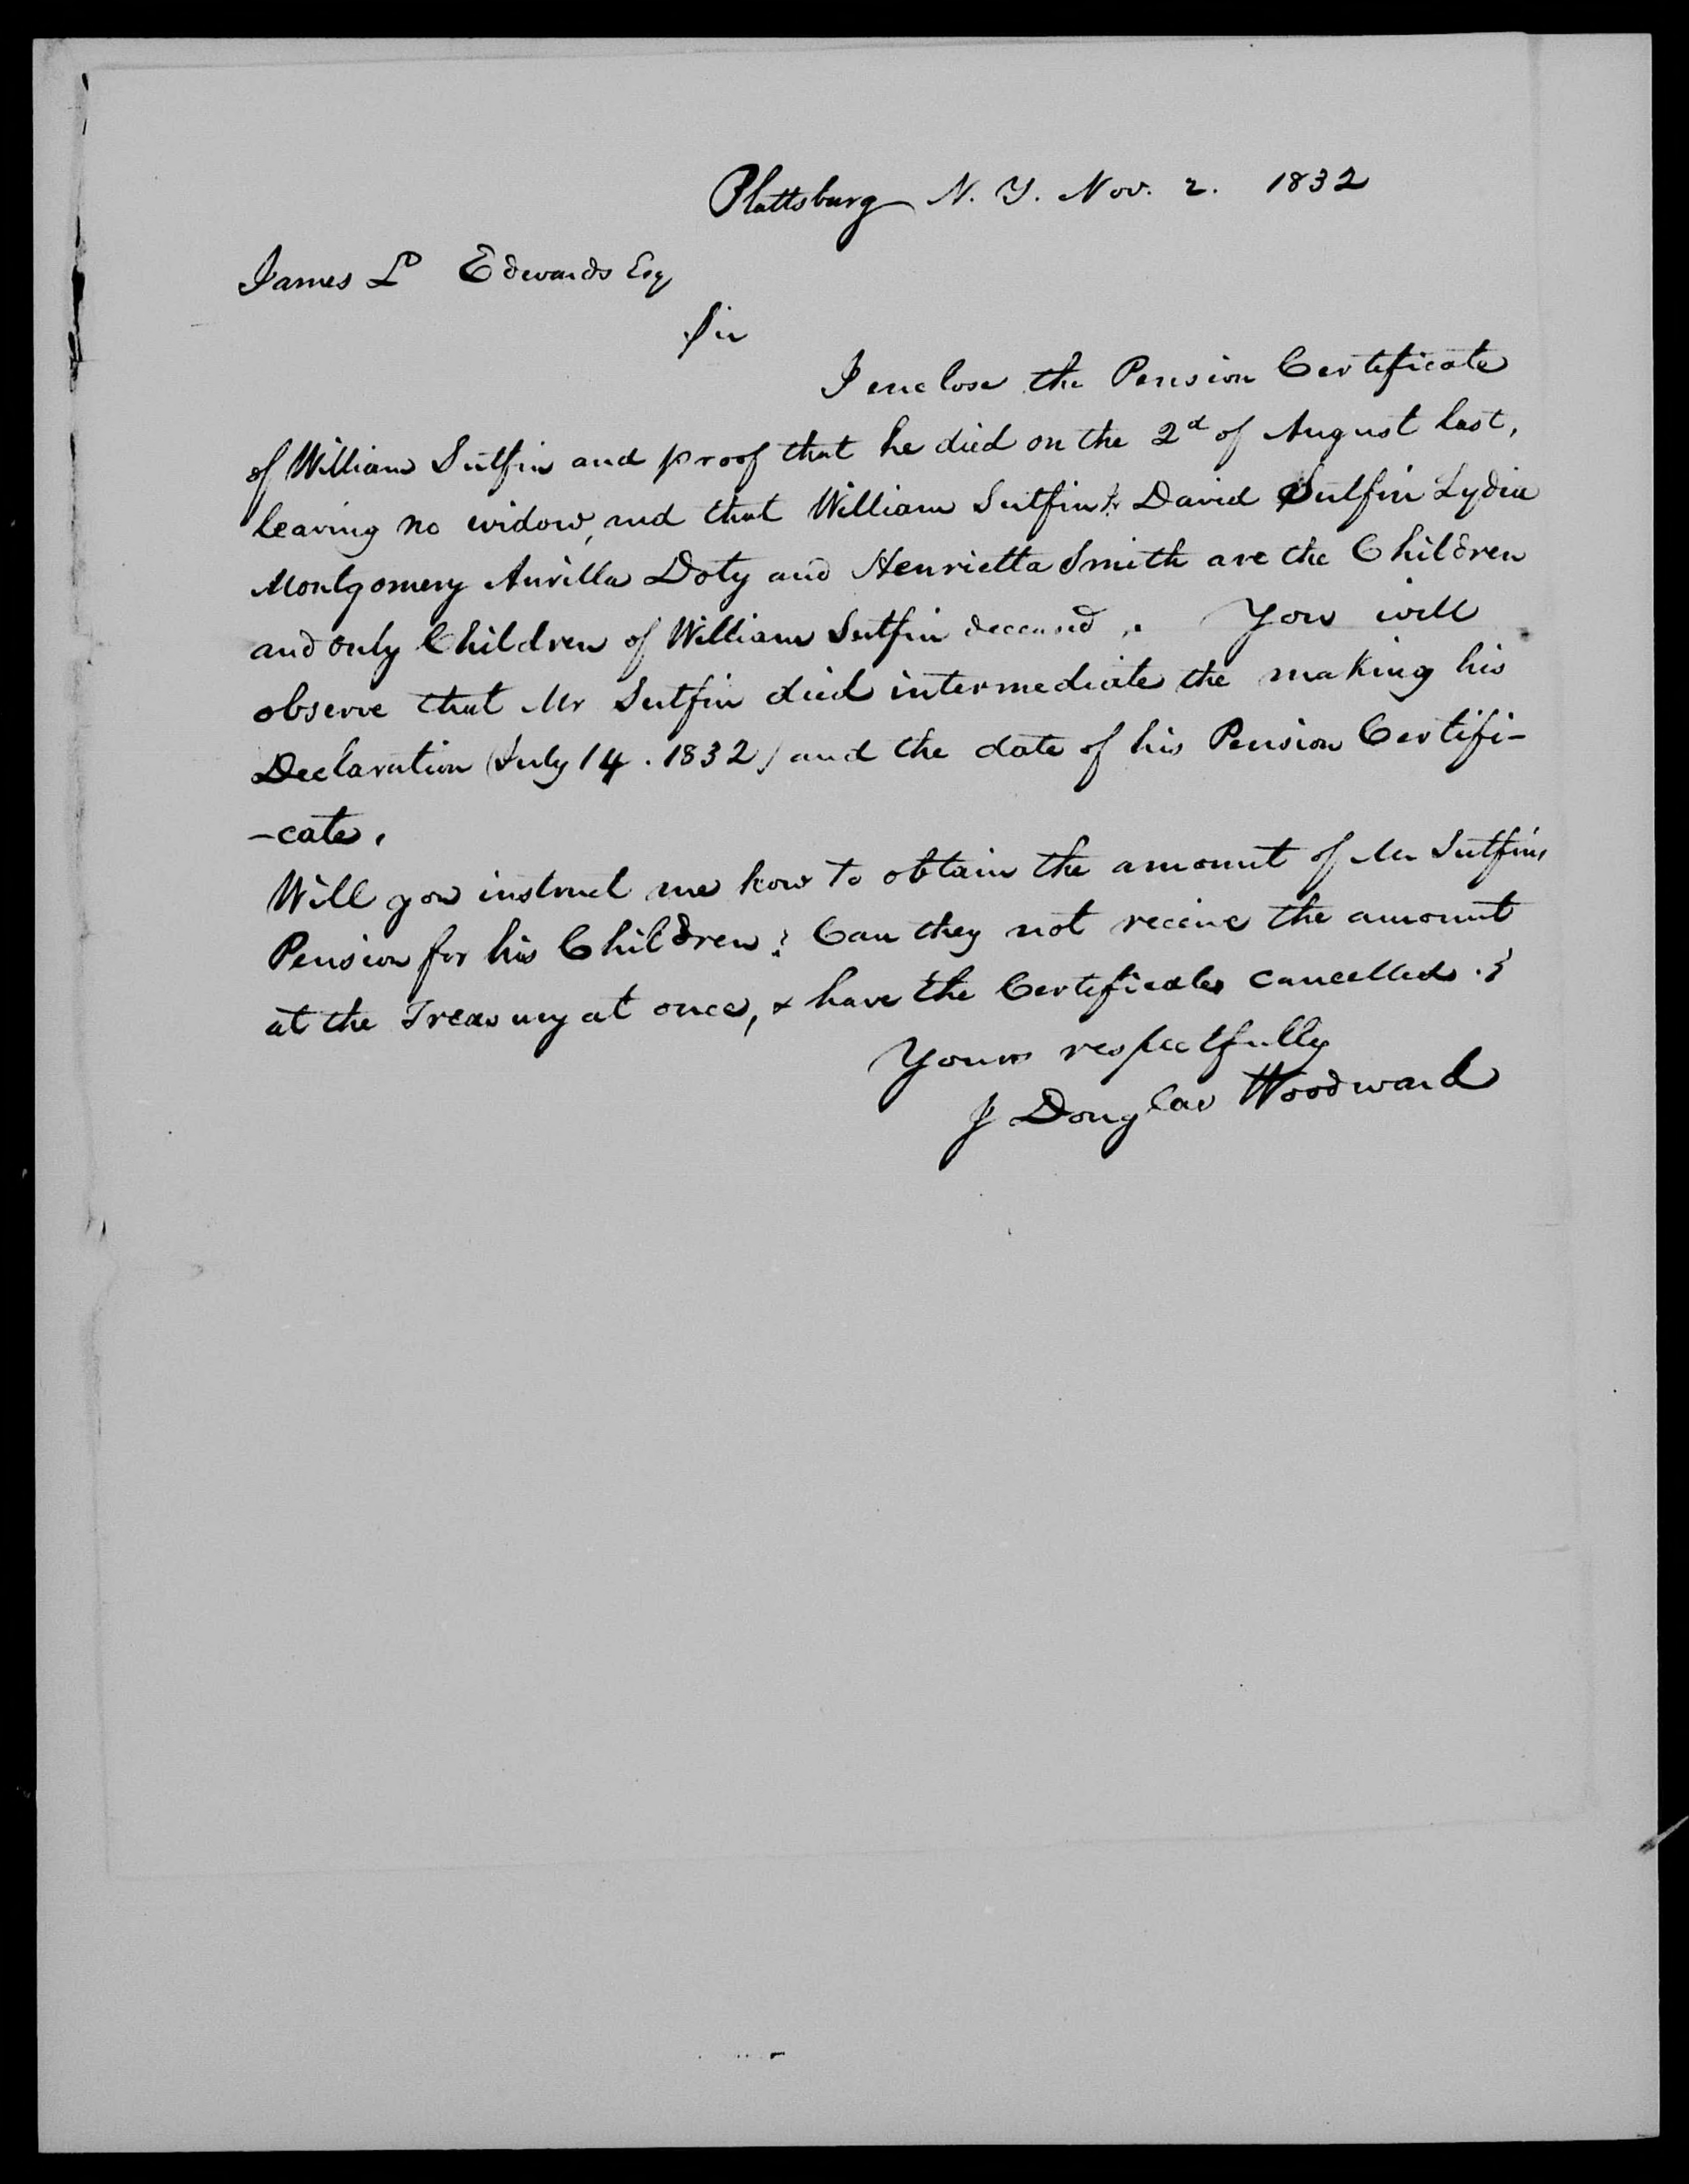Plattsburg, N.Y., Nov 2, 1832

James L. Edwards Esq.

Sir,

I enclose the Pension Certificate of William Safford and proof that he died on the 2nd August last, leaving no widow and that William Sutfin, David Sutfin, Lydia Montgomery, Julius Doty, and Henrietta Smith are the children and only children of William Sutfin deceased. You will observe that Mr. Sutfin died intestate and that no heir has declared since July 14, 1832, until the date of his Pension Certificate.

Will you instruct me how to obtain the amount of Mr. Sutfin's Pension for his children? Can they not receive the amount at the Treasury at once, or have the Certificate cancelled?

Yours respectfully, J. Douglas Woodward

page: 11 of 11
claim: survivor's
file: S. 14628, for William Sutfin, New Jersey